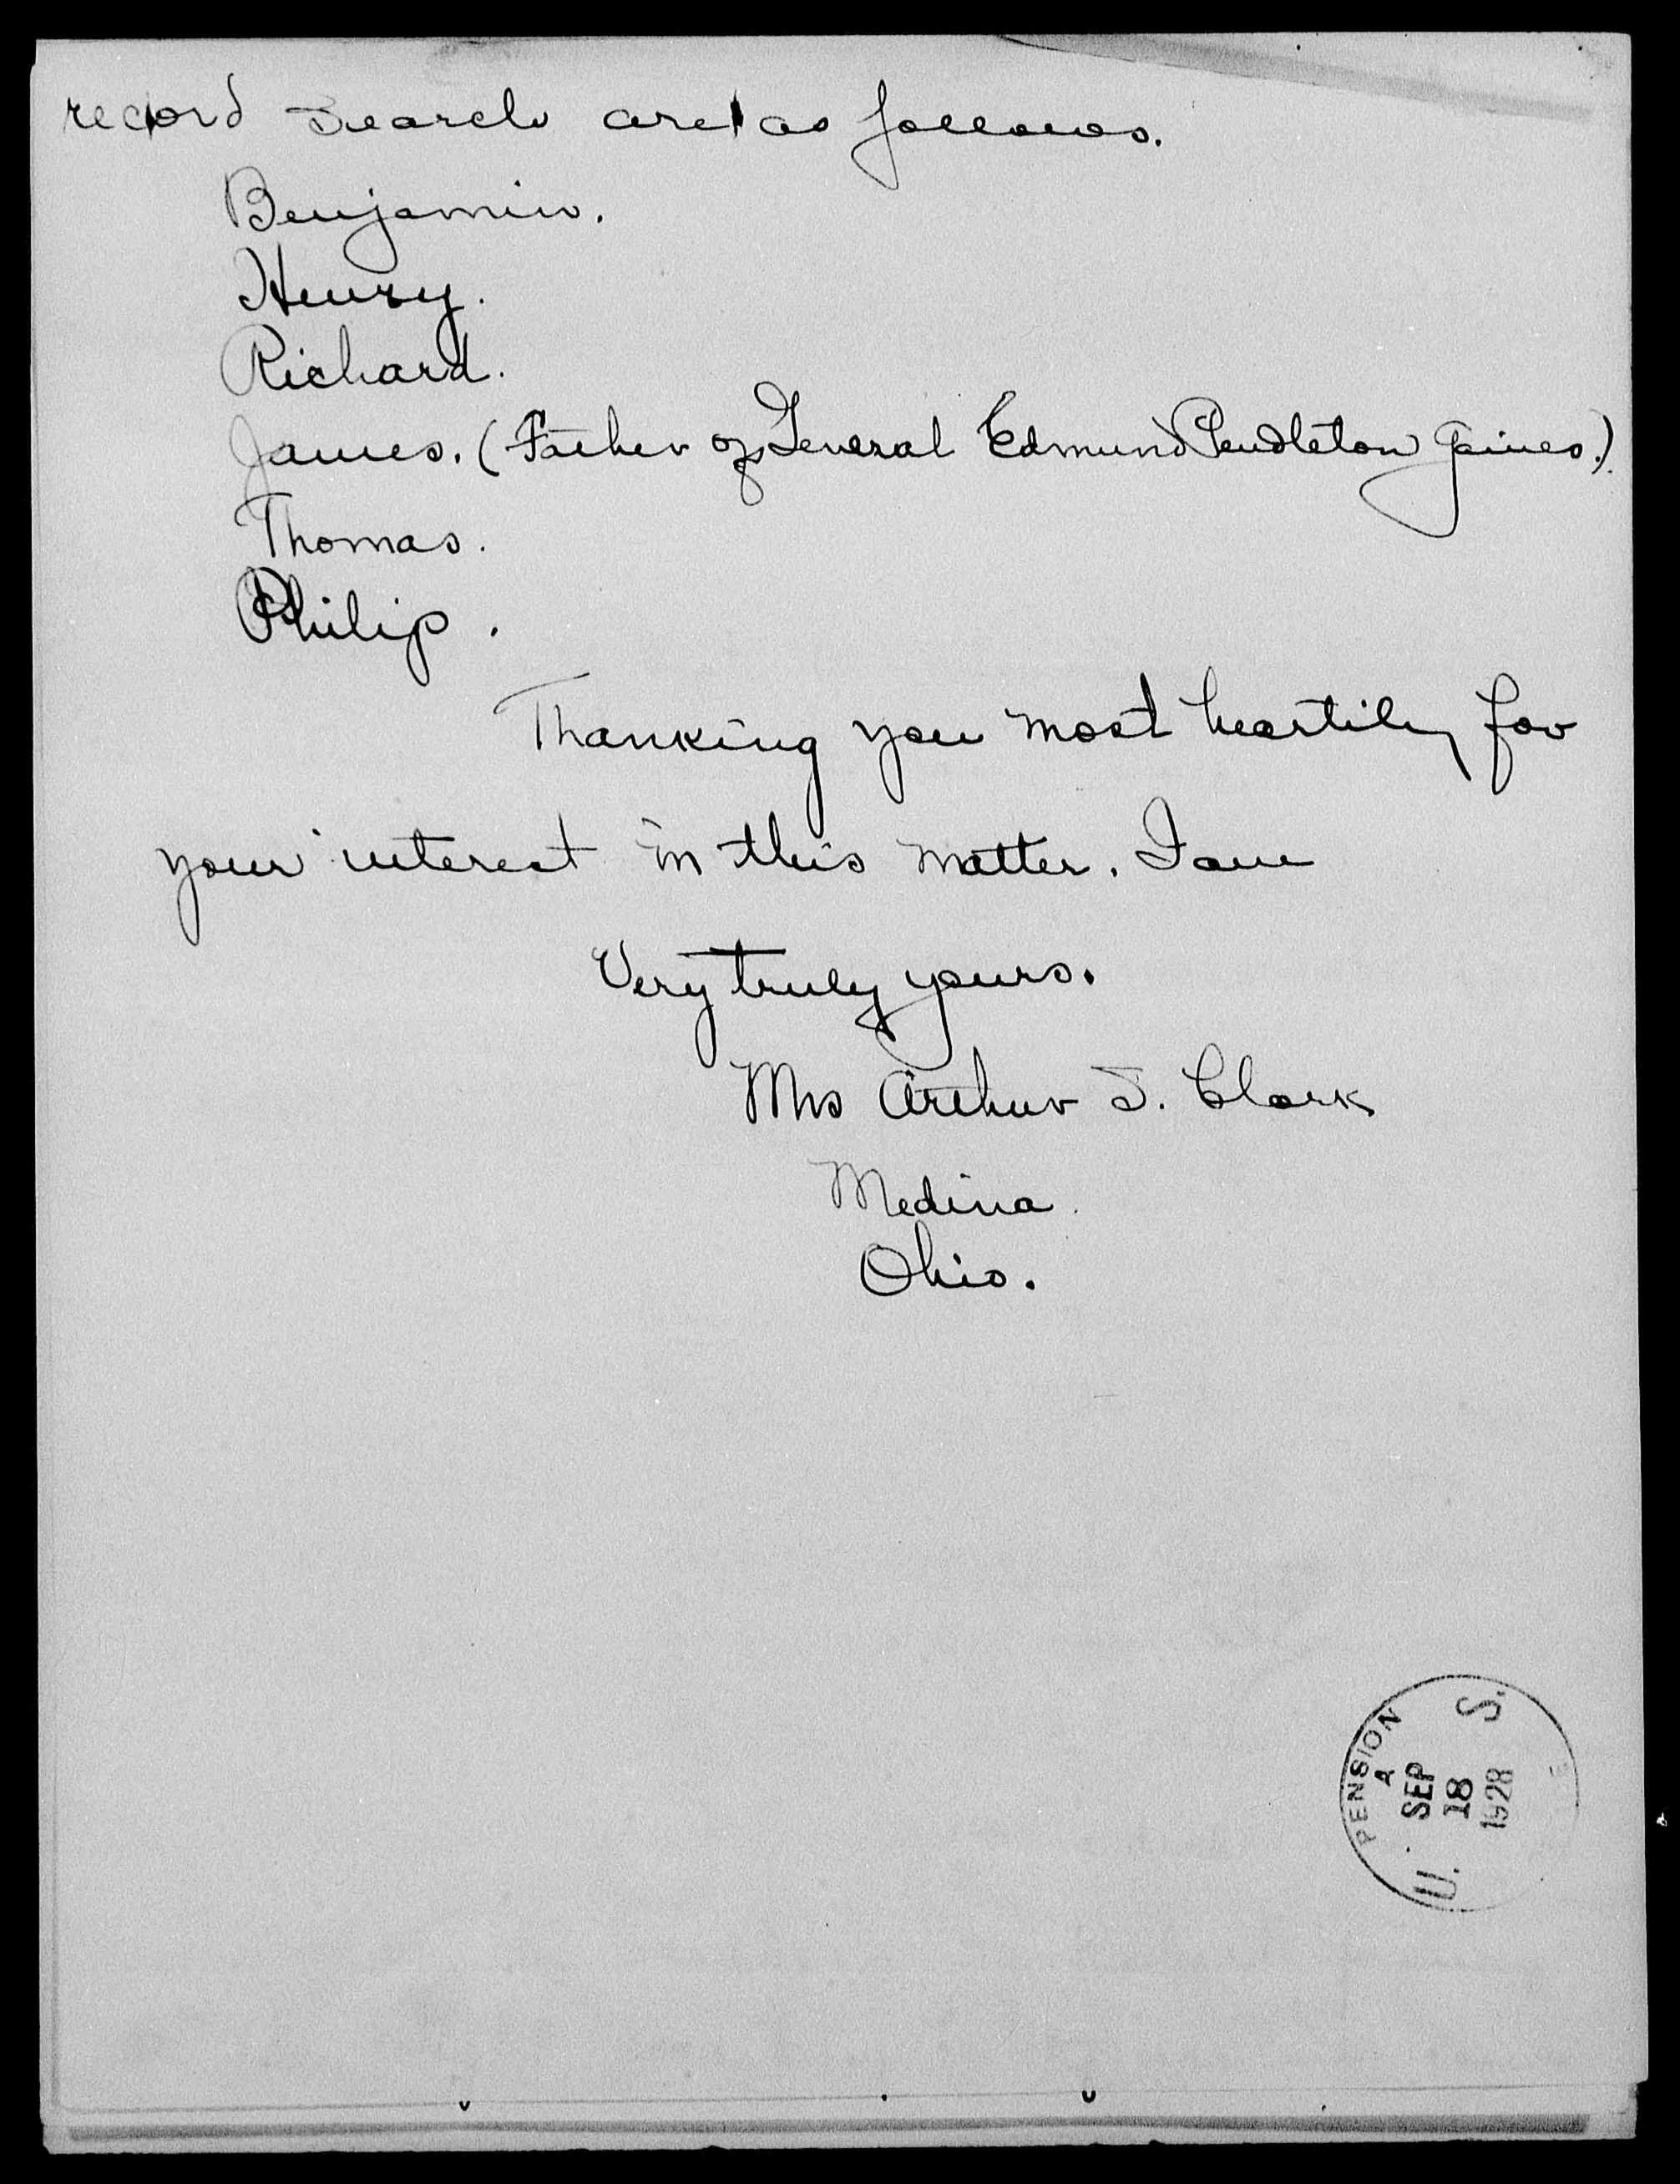record search are as follows.
Benjamin.
Henry.
Richard.
James. (father of General Edmund Pendleton Gaines.)
Thomas.
Philip.
Thanking you most heartily for
your interest in this matter. I am
Very truly yours,
Mrs Arthur S. Clark
Medina
Ohio.

U. S. PENSION OFFICE
A
SEP
18
1928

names: James, Richard, Edmund Pendleton Gaines, Thomas, Henry, Benjamin, Arthur S Clark, Philip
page: 42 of 79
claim: rejected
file: R. 3863, Robert Gaines, Va.